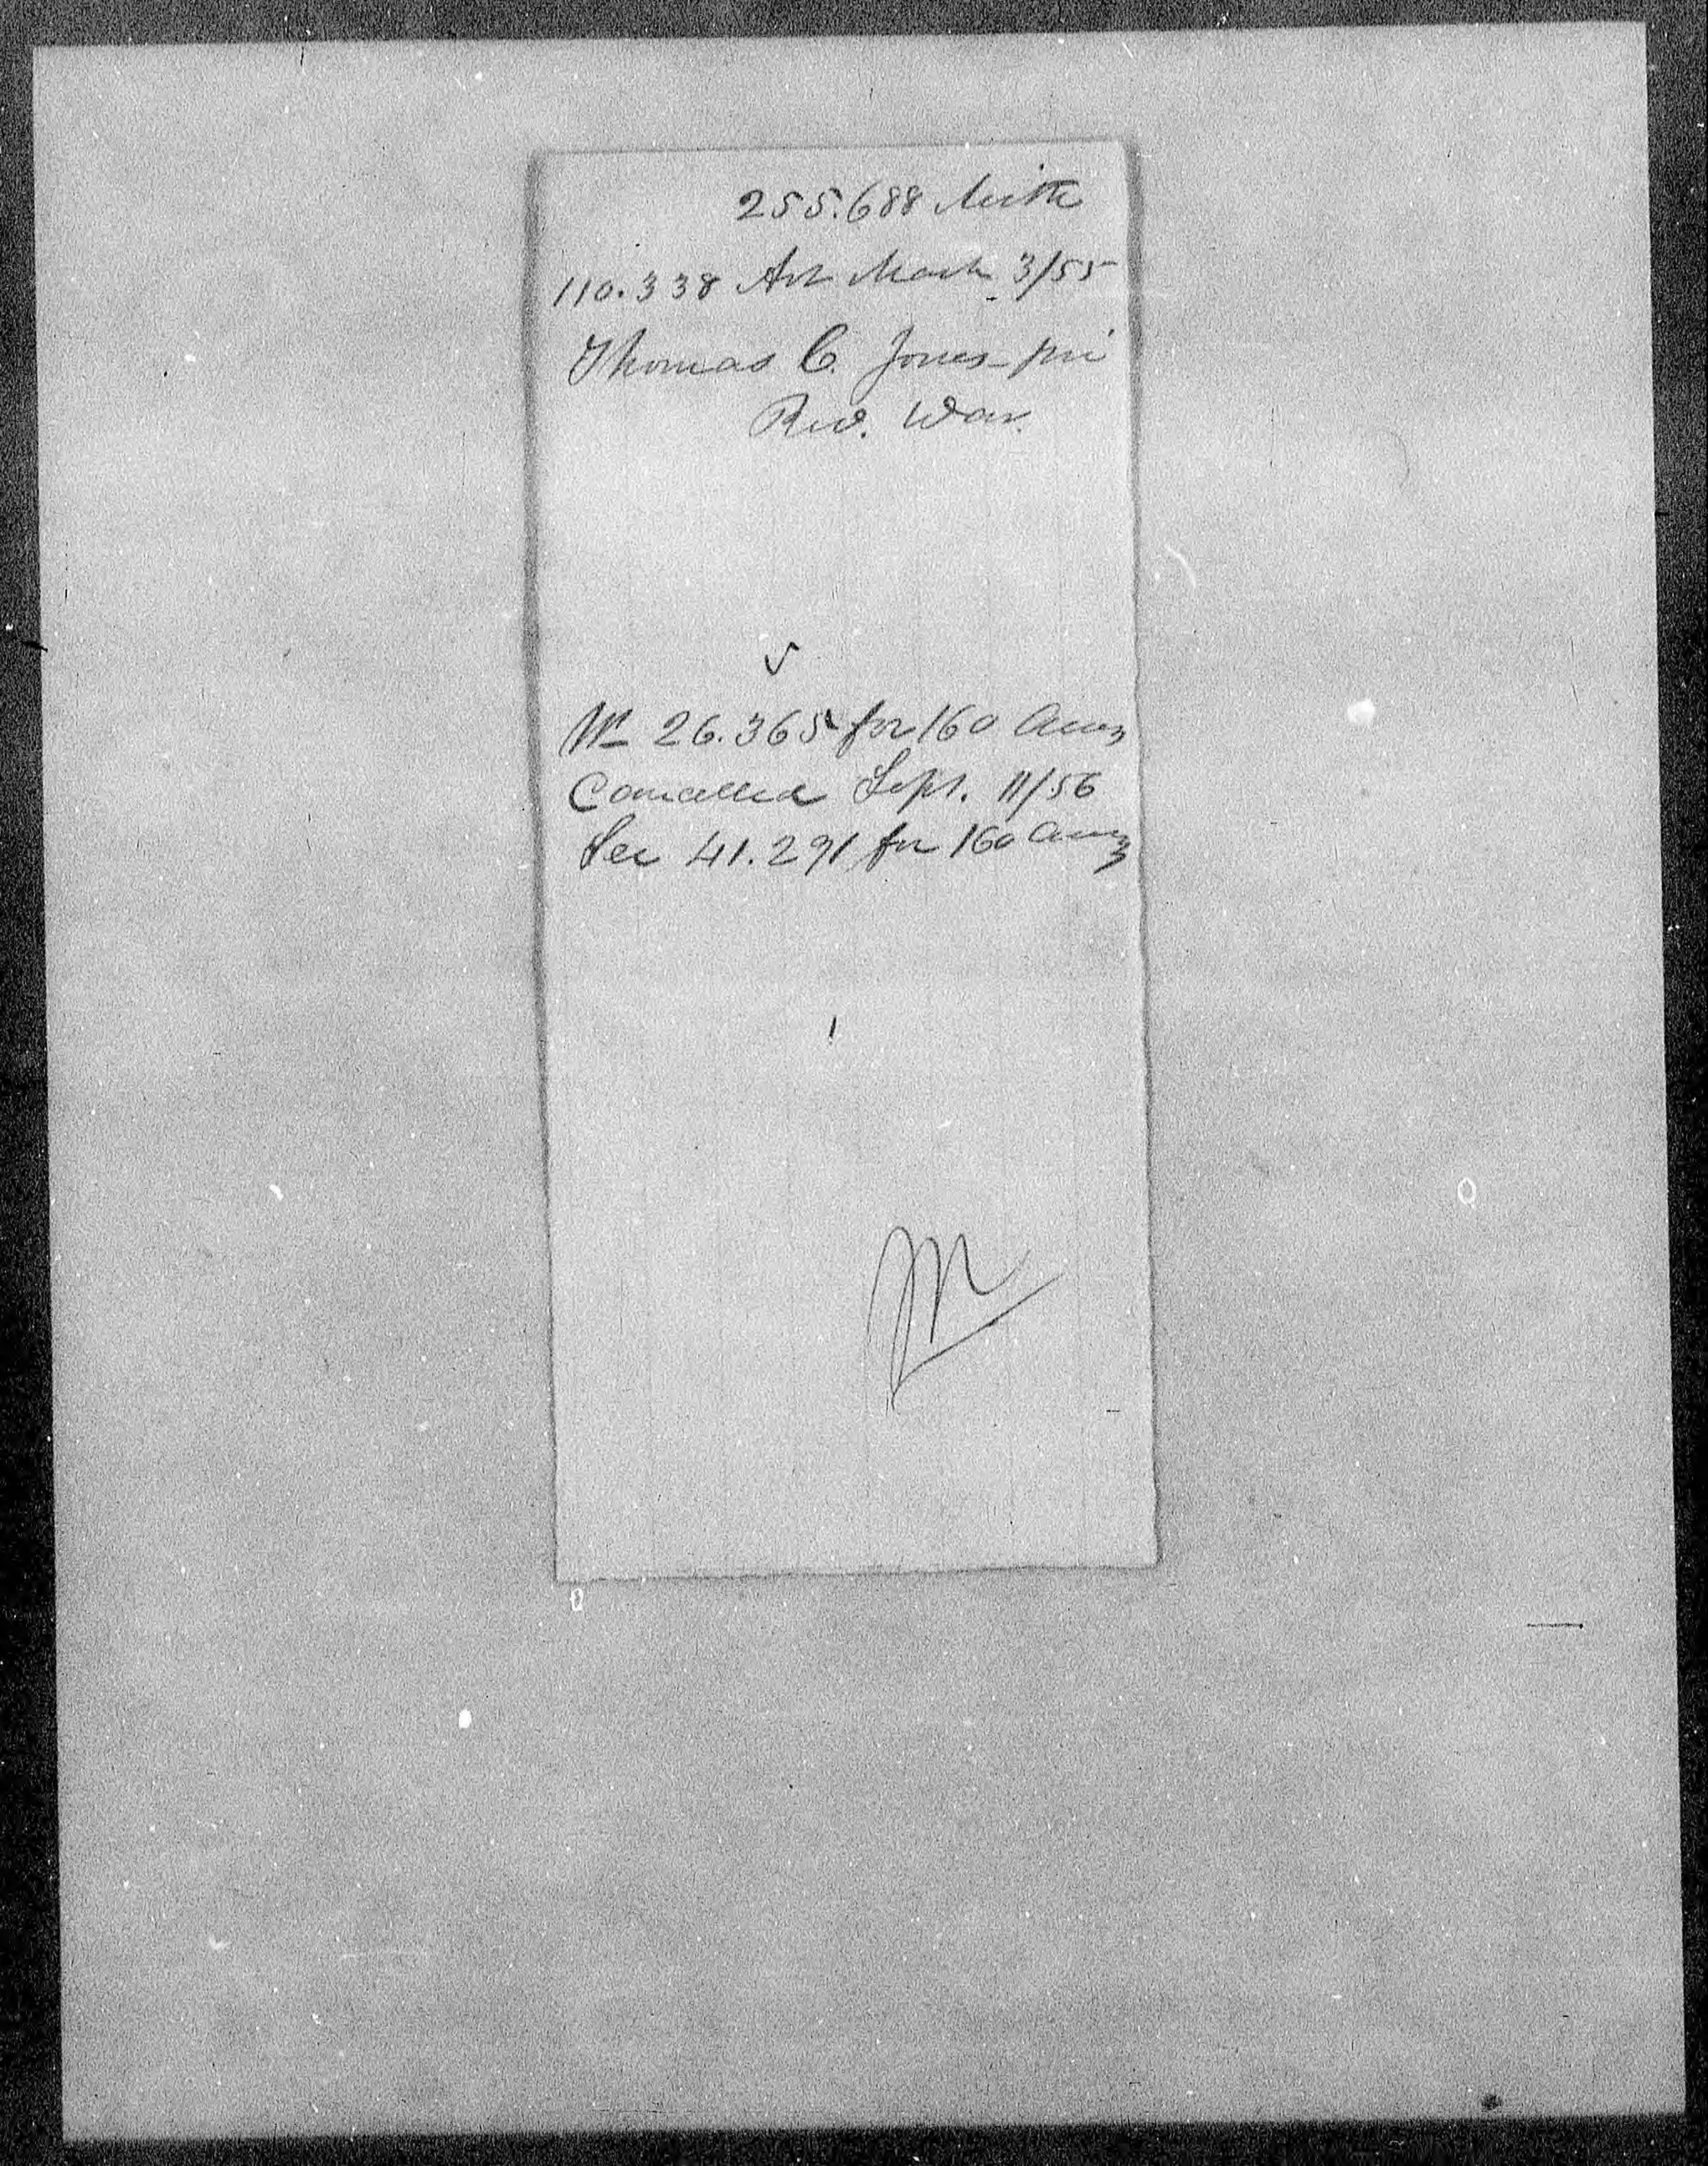255.688 birth
110.338 Act March 3/55
Thomas C. Jones pri
Rev. War


v

W 26.365 for 160 acres
cancelled Sept. 11/56
Sec. 41.291 for 160 acres


M [initials?]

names: Thomas C Jones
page: 27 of 45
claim: widow's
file: W. 26160, for Thomas C Jones, Georgia